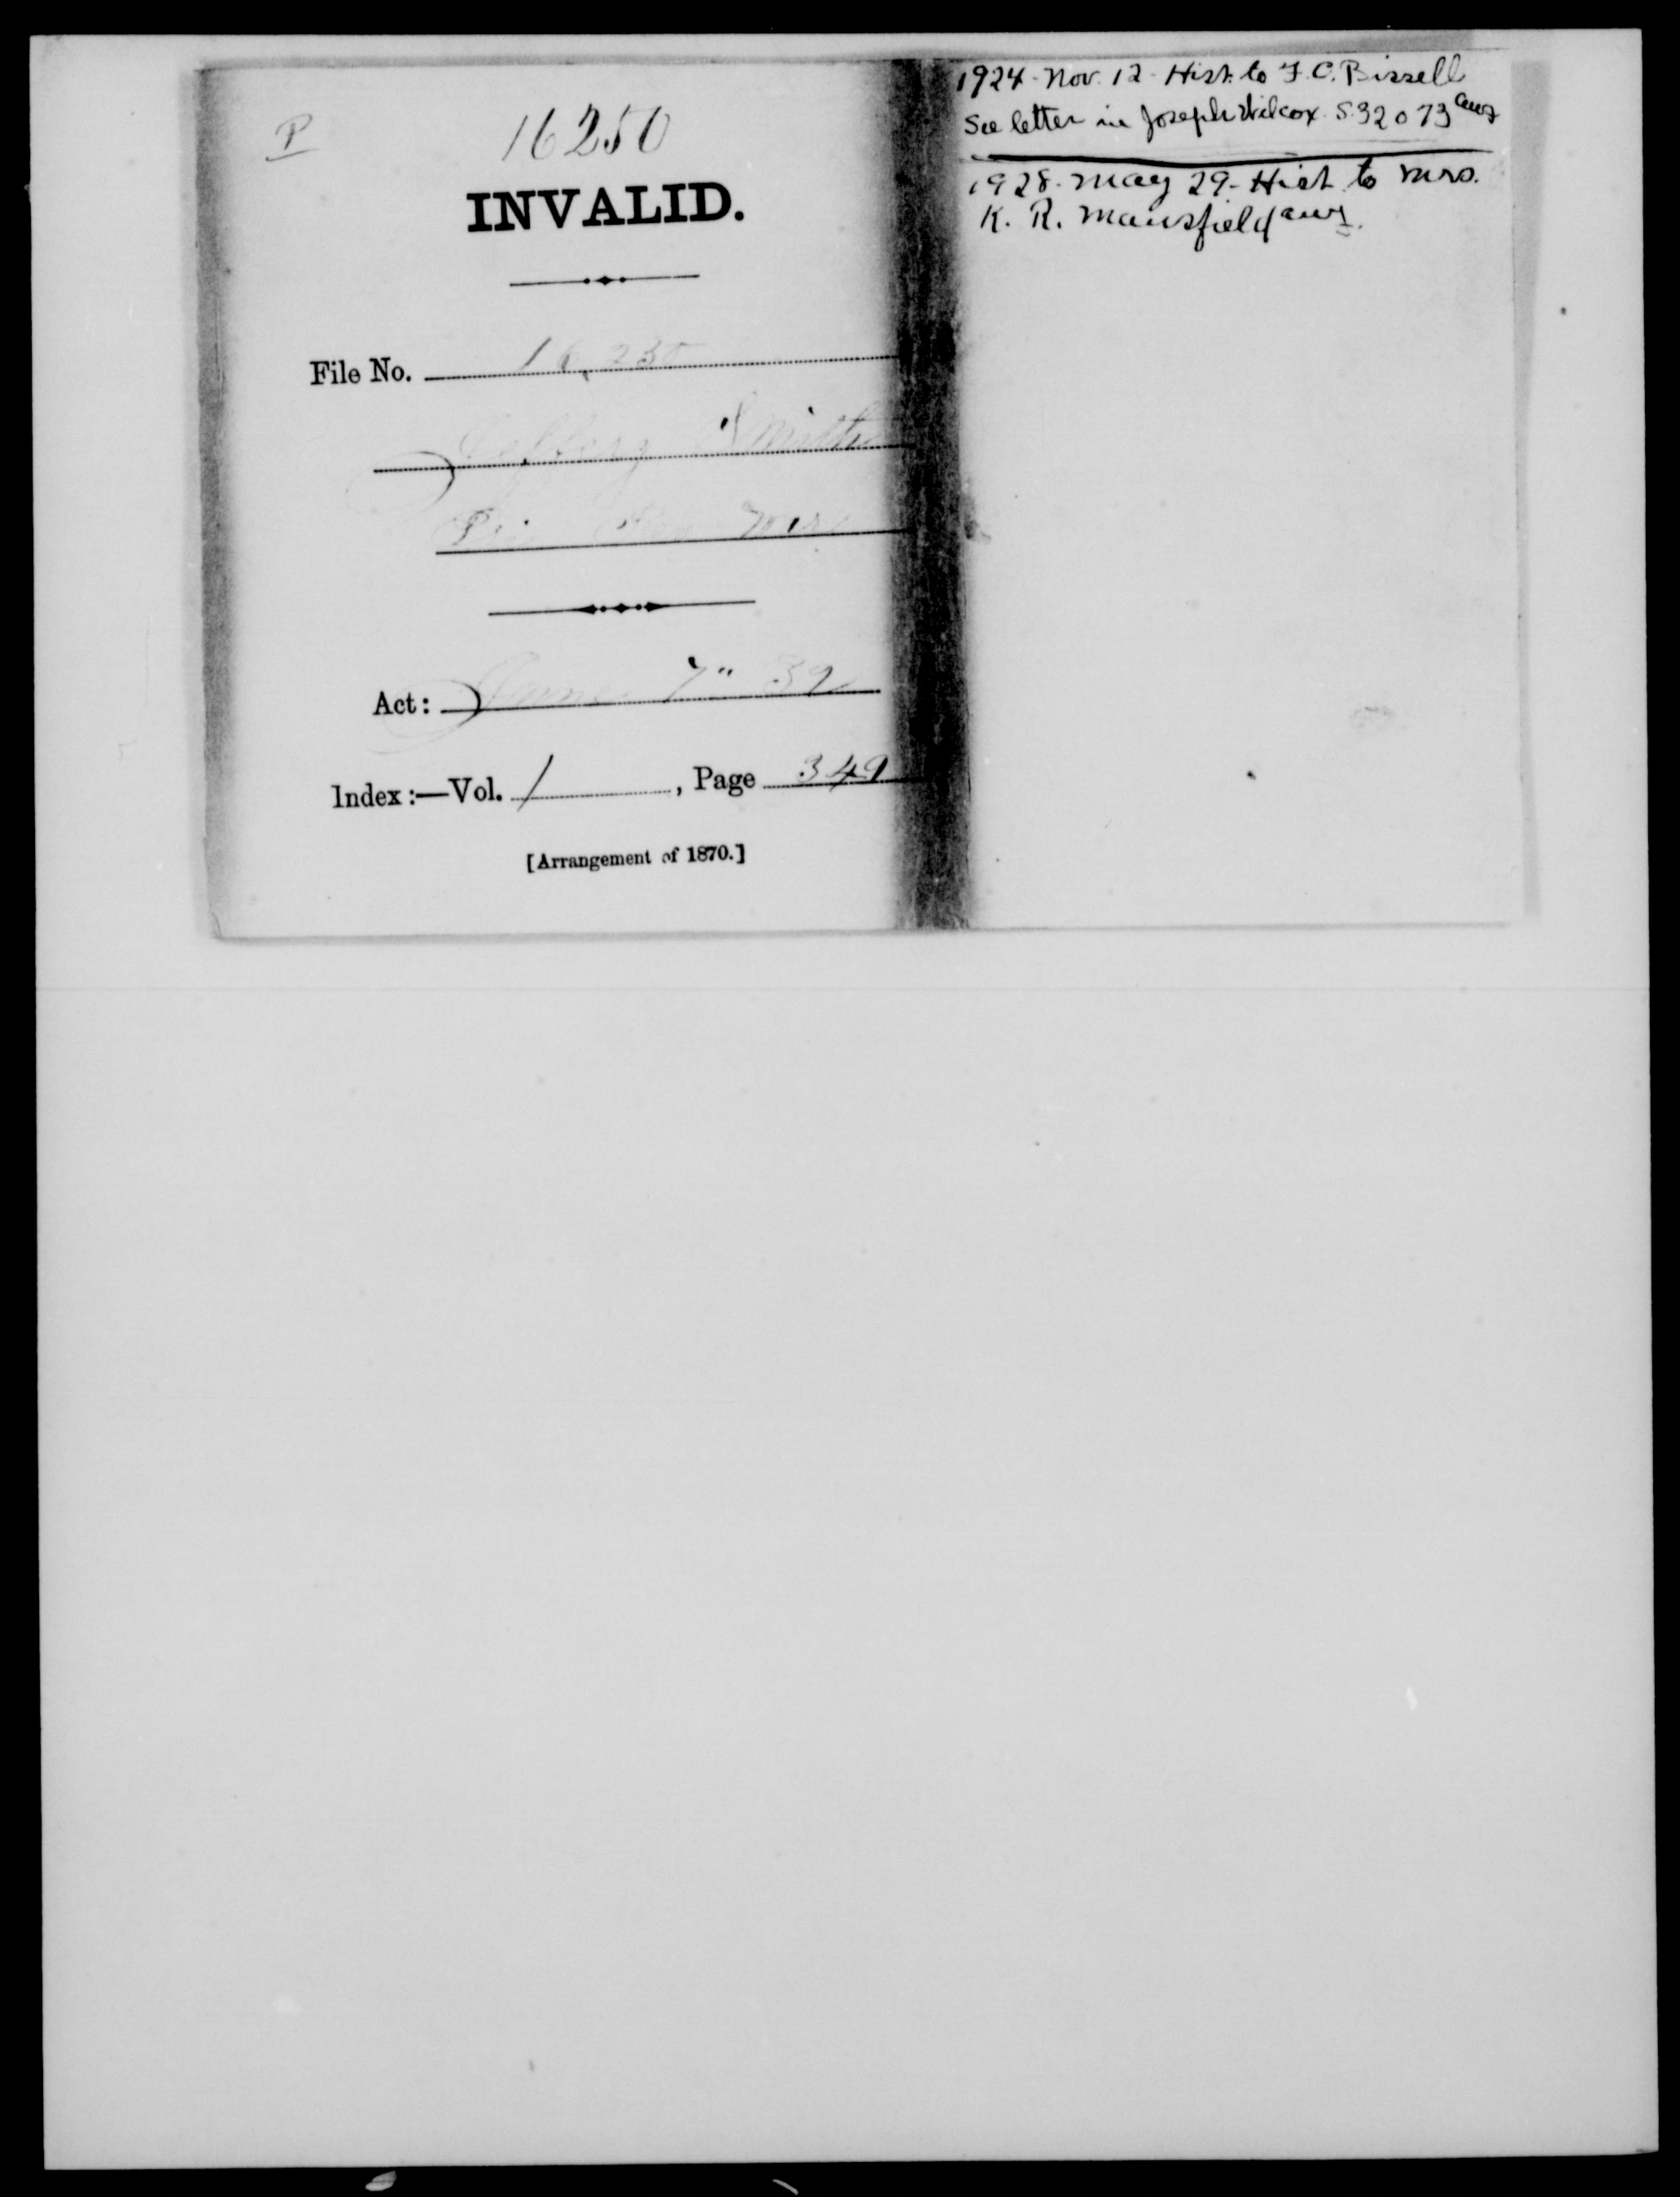P 16250
INVALID.
File No. 16250
Jeffery smith, with ┃
Pri Rev War
---
Act: June 7' 32
Index: -- Vol.1, Page 349
[Arrangement of 1870.]
1924. Nov. 12. Hist. to F.C. Bissell
See letter in Joseph Wilcox S.32073 awy
1928. May 29. Hist to Mrs.
K. R. Mansfield awy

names: Joseph Wilcox; K R Mansfield; Jeffery Smith; F C Bissell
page: 16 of 19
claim: survivor's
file: S. 16250, for Jeffery Smith, Connecticut